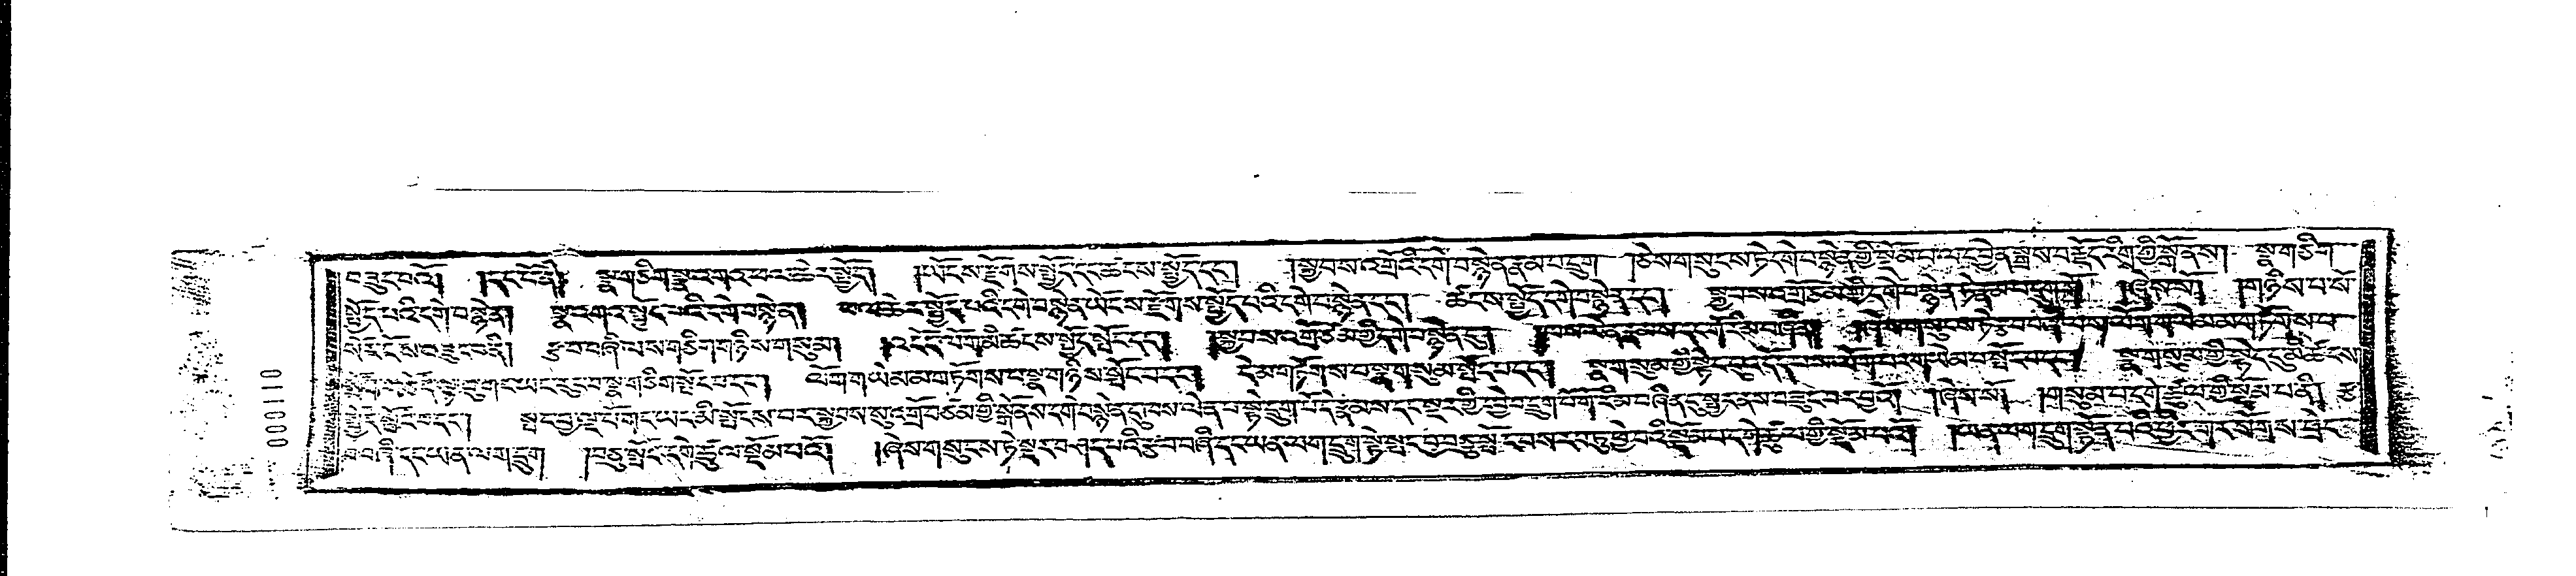བཟུང་བའོ། །དང་པོ་ནི། སྣ་གཅིག་སྣ་འགའ་ཕལ་ཆེར་སྤྱོད། །ཡོངས་རྫོགས་སྤྱོད་དང་ཚངས་སྤྱོད་དང་། །སྐྱབས་འགྲོའི་དགེ་བསྙེན་རྣམ་པ་དྲུག །ཅེས་གསུངས་ཏེ་དགེ་བསྙེན་གྱི་སྡོམ་པ་ལ་དབྱེ་ན་སྒྲས་བརྗོད་རིགས་ཀྱི་སྒོ་ནས། སྣ་གཅིག་
སྤྱོད་པའི་དགེ་བསྙེན། སྣ་འགའ་སྤྱོད་པའི་དགེ་བསྙེན། ཕལ་ཆེར་སྤྱོད་པའི་དགེ་བསྙེན་ཡོངས་རྫོགས་སྤྱོད་པའི་དགེ་བསྙེན་དང་། ཚངས་སྤྱོད་དགེ་བསྙེན་དང་། སྐྱབས་འགྲོ་ཙམ་གྱི་དགེ་བསྙེན་ཏེ་རྣམ་པ་དྲུག་གོ །ཞེས་སོ། །གཉིས་པ་སོ་
སོར་ངོས་བཟུང་བ་ནི། རྩ་བ་བཞི་ལས་གཅིག་གཉིས་གསུམ། །འདོད་ལོག་མི་ཚངས་སྤྱོད་སྤོང་དང་། །སྐྱབས་འགྲོ་ཙམ་གྱི་དགེ་བསྙེན་དུ། །ཁས་ལེན་རྣམས་དང་གོ་རིམ་བཞིན། །ཞེས་གསུངས་ཏེ་རྩ་བ་བཞི་ལས་ལོག་གཡེམ་མ་གཏོགས་པ་
སྲོག་གཅོད་ལྟ་བུ་གང་ཡང་རུང་བ་སྣ་གཅིག་སྤོང་བ་དང་། ལོག་གཡེམ་མ་གཏོགས་པ་སྣ་གཉིས་སྤོང་བ་དང་། དེ་མ་གཏོགས་པ་སྣ་གསུམ་སྤོང་བ་དང་། སྣ་གསུམ་གྱི་སྟེང་དུ་འདོད་པས་ལོག་པར་གཡེམ་པ་སྤོང་བ་དང་། སྣ་གསུམ་གྱི་སྟེང་དུ་མི་ཚངས་
སྤྱོད་སྤོང་བ་དང་། སྤང་བྱ་ལྔ་པོ་གང་ཡང་མི་སྤོངས་བར་སྐྱབས་སུ་འགྲོ་བ་ཙམ་གྱི་སྒོ་ནས་དགེ་བསྙེན་དུ་ཁས་ལེན་པ་སྟེ་དྲུག་པོ་དེ་རྣམས་དང་སྔར་གྱི་དབྱེ་བ་དྲུག་པོ་གོ་རིམ་བཞིན་དུ་སྦྱར་ནས་བཟུང་བར་བྱའོ། །ཞེས་སོ། །གསུམ་པ་དགེ་ཚུལ་གྱི་སྡོམ་པ་ནི། རྩ་
བ་བཞི་དང་ཡན་ལག་དྲུག །བཅུ་སྤོང་དགེ་ཚུལ་སྡོམ་པའོ། །ཞེས་གསུངས་ཏེ་སྔར་བཤད་པའི་རྩ་བ་བཞི་དང་ཡན་ལག་དྲུག་སྟེ་སྤང་བྱ་བཅུ་སྤོང་བས་རབ་ཏུ་ཕྱེ་བའི་སྡོམ་པ་དགེ་ཚུལ་གྱི་སྡོམ་པའོ། །ཡན་ལག་དྲུག་སྟོན་པའི་ཕྱིར་གར་སོགས་ཕྲེང་བ་